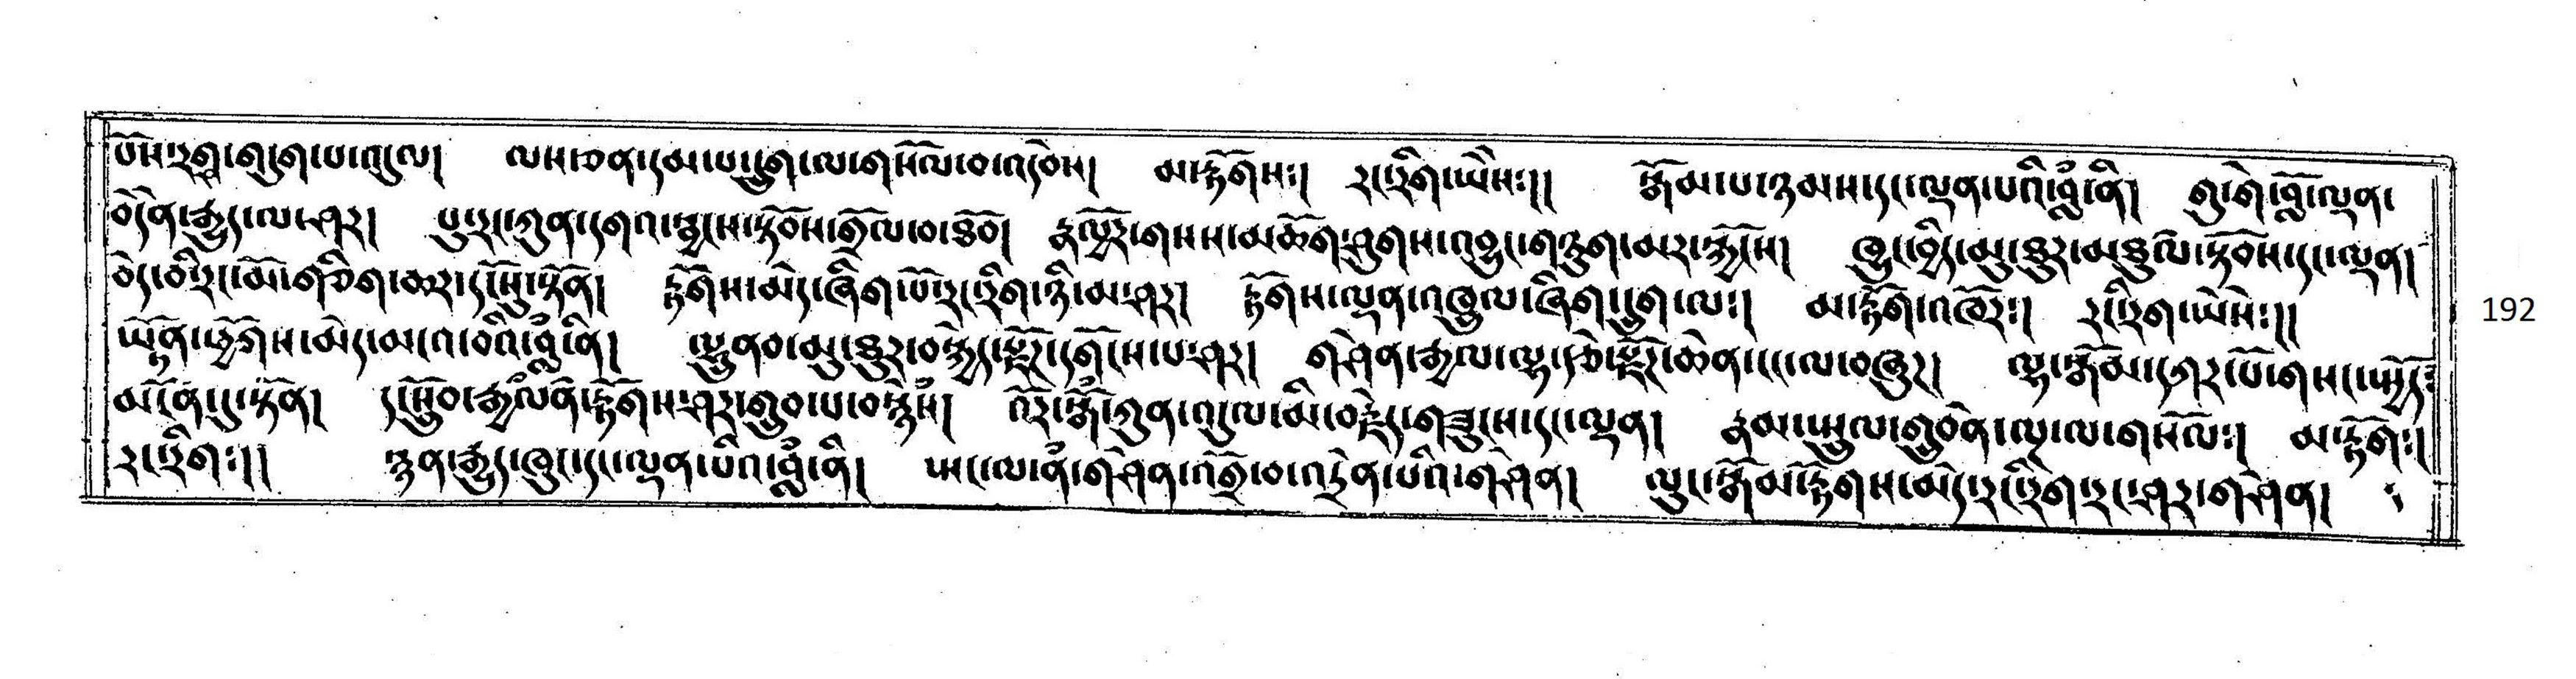པོས་རགྴ་གདུག་པ་འདུལ། ལས་ཅན་དམ་པ་དྲུག་ལ་གསོལ་བ་འདེབས། མ་རྟོགས༴། རང་རིག་ཡེ་ཤེས༴།། སྒོམ་པ་ཉམས་དང་ལྡན་པའི་བླ་མ་ནི། གུ་གེ་བློ་ལྡན་
བདེ་ཆེན་རྒྱུད་ལ་ཤར། པུ་རང་ཀུན་དགའ་སྦྱངས་སྟོབས་གྲོལ་བ་ཐོབ། རྣལ་འབྱོར་གསས་མཆོག་ཤུགས་འབྱུང་གཉུག་མར་སྐྱོངས། ཁྱུང་བྱིད་མུ་ཐུར་མཐུ་རྩལ་སྟོབས་དང་ལྡན། 
བདེ་བ་རིང་མོ་གཅིག་ཆར་དངོས་སུ་སྟོན། རྟོག་མེད་ཞིག་པོ་རང་རིག་ཉི་མ་ཤར། རྟོགས་ལྡན་འཁྲུལ་ཞིག་དྲུག་ལ༴། མ་རྟོག་འཁོར༴། རང་རིག་ཡེ་ཤེས༴།། 
ཡོན་ཏན་ཕྱོགས་མེད་མངའ་བའི་བླ་མ་ནི། ལྷུན་གྲུབ་མུ་ཐུར་བསྐྱེད་རྫོགས་དགོངས་པ་ཤར། གཤེན་རྒྱལ་ལྷ་རྩེ་རྫོགས་ཆེན་ངང་ལ་བཞུགས། ལྷ་སྒོམ་དཀར་པོ་གསང་སྤྱོད་
མངོན་དུ་སྟོན། དངོས་གྲུབ་རྒྱལ་མཚན་རྟོགས་ཤར་གྲུབ་པ་བསྙེམས། འོལ་སྒོམ་ཀུན་འདུལ་མི་བརྗེད་གཟུངས་དང་ལྡན། རྣམ་སྤྲུལ་གྲུབ་ཆེན་ལྔ་ལ་གསོལ༴། མ་རྟོགས༴། 
རང་རིག༴།། སྙན་རྒྱུད་ཁུང་དང་ལྡན་པའི་བླ་མ་ནི། སྤང་ལ་ནམ་གཤེན་འགྲོ་བ་འདྲེན་པའི་གཤེན། ལུང་སྒོམ་རྟོག་མེད་རང་རིག་རང་ཤར་གཤེན།